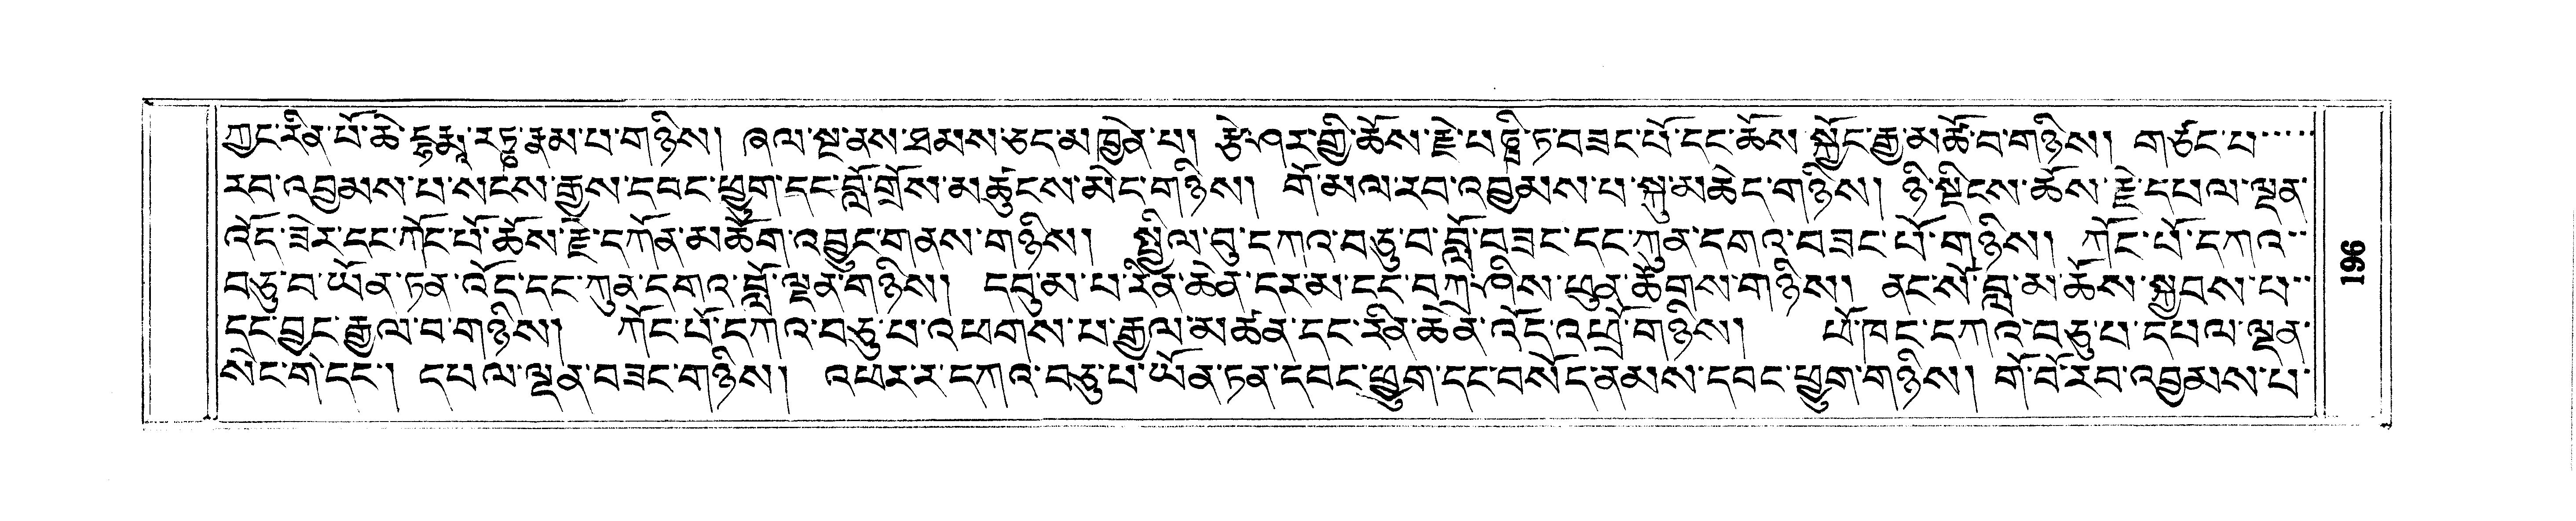ཀྱང་རིན་པོ་ཆེ་དྷྲྨཱ་རཏྞ་རྣམ་པ་གཉིས། ཞལ་སྔ་ནས་ཐམས་ཅད་མཁྱེན་པ། རྩེ་ཤར་གྱི་ཆོས་རྗེ་པཎྚི་ཏ་བཟང་པོ་དང་ཆོས་སྐྱོང་རྒྱ་མཚོ་བ་གཉིས། གཙང་པ་
རབ་འབྱམས་པ་སངས་རྒྱས་དབང་ཕྱུག་དང་བློ་གྲོས་མཚུངས་མེད་གཉིས། གོ་མལ་རབ་འབྱམས་པ་སྐུ་མཆེད་གཉིས། ཉི་སྡིངས་ཆོས་རྗེ་དཔལ་ལྡན་
འོད་ཟེར་དང་ཀོང་པོ་ཆོས་རྗེ་དཀོན་མཆོག་འབྱུང་གནས་གཉིས། སྤྱིལ་བུ་དཀའ་བཅུ་བ་བློ་བཟང་དང་ཀུན་དགའ་བཟང་པོ་གཉིས། ཀོང་པོ་དཀའ་
བཅུ་བ་ཡོན་ཏན་འོད་དང་ཀུན་དགའ་བློ་ལྡན་གཉིས། དབུ་མ་པ་རིན་ཆེན་དར་མ་དང་བཀྲ་ཤིས་ཕུན་ཆོགས་གཉིས། ནང་སོ་བླ་མ་ཆོས་སྐྱབས་པ་
དང་བྱང་རྒྱལ་བ་གཉིས། ཀོང་པོ་དཀའ་བཅུ་པ་འཕགས་པ་རྒྱལ་མཚན་དང་རིན་ཆེན་འོད་འཕྲོ་གཉིས། ཕོ་ཁང་དཀའ་བཅུ་པ་དཔལ་ལྡན་
སེང་གེ་དང་། དཔལ་ལྡན་བཟང་གཉིས། འཕར་ར་དཀའ་བཅུ་པ་ཡོན་ཏན་དབང་ཕྱུག་དང་བསོད་ནམས་དབང་ཕྱུག་གཉིས། གོ་བོ་རབ་འབྱམས་པ་